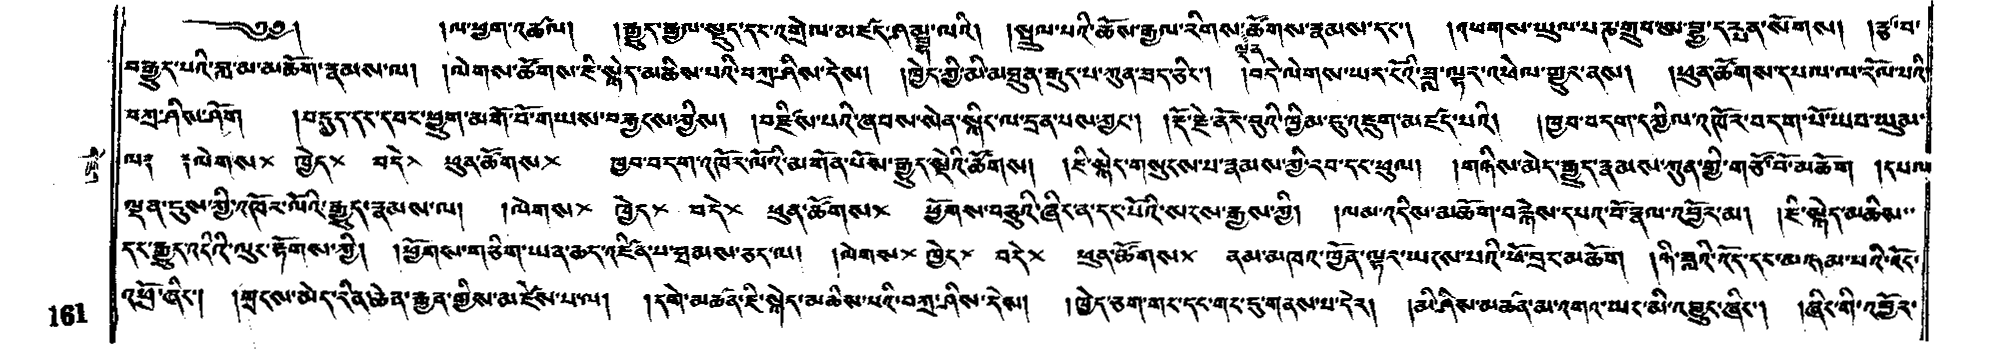༄༅། །ལ་ཕྱག་འཚལ། །རྒྱུད་རྒྱལ་སྡུད་དང་འགྲེལ་མཛད་ཤམྦྷ་ལའི། །སྤྲུལ་པའི་ཆོས་རྒྱལ་རིགས་ལྡན་ཚོགས་རྣམས་དང་། །འཕགས་ཡུལ་པཎ་གྲུབ་ཨ་བྷྱ་དརྤན་སོགས། །རྩ་བ་
བརྒྱུད་པའི་བླ་མ་མཆོག་རྣམས་ལ། །ལེགས་ཚོགས་ཇི་སྙེད་མཆིས་པའི་བཀྲ་ཤིས་དེས། །ཁྱེད་ཀྱི་མི་མཐུན་རྒུད་པ་ཀུན་ཟད་ཅིང་། །བདེ་ལེགས་ཡར་ངོའི་ཟླ་ལྟར་འཕེལ་གྱུར་ནས། །ཕུན་ཚོགས་དཔལ་ལ་རོལ་བའི་
བཀྲ་ཤིས་ཤོག །བདུད་དང་དབང་ཕྱུག་མགོ་བོ་གཡས་བརྐྱངས་ཀྱིས། །བརྫིས་པའི་ཞབས་སེན་སྙིང་ལ་དྲན་པས་ཀྱང་། །རྡོ་རྗེ་ནོར་བུའི་ཁྱིམ་དུ་འཇུག་མཛད་པའི། །ཁྱབ་བདག་དཀྱིལ་འཁོར་བདག་པོ་ཡབ་ཡུམ་
ལ༑ ༑ལེགས་྾་ཁྱེད་྾་བདེ་྾་ཕུན་ཚོགས་྾་ཁྱབ་བདག་འཁོར་ལོའི་མགོན་པོས་རྒྱུད་སྡེའི་ཚོགས། །ཇི་སྙེང་གསུངས་པ་རྣམས་ཀྱི་རབ་དང་ཕུལ། །གཉིས་མེད་རྒྱུད་རྣམས་ཀུན་གྱི་གཙོ་བོ་མཆོག །དཔལ་
ལྡན་དུས་ཀྱི་འཁོར་ལོའི་རྒྱུད་རྣམས་ལ། །ལེགས་྾་ཁྱེད་྾་བདེ་྾་ཕུན་ཚོགས་྾་ཕྱོགས་བཅུའི་ཞིང་ན་དང་པོའི་སངས་རྒྱས་ཀྱི། །ལམ་འདིས་མཆོག་བརྙེས་དཔའ་བོ་རྣལ་འབྱོར་མ། །ཇི་སྙེད་མཆིས་
དང་རྒྱུད་འདིའི་ལུང་རྟོགས་ཀྱི། །ཕྱོགས་གཅིག་ཡན་ཆད་འཛིན་པ་ཐམས་ཅད་ལ། །ལེགས་྾་ཁྱེད་྾་བདེ་྾་ཕུན་ཚོགས་྾་ནམ་མཁའ་ཁྱོན་ལྟར་ཡངས་པའི་ཕོ་བྲང་མཆོག །ཉི་ཟླའི་འོད་དང་མཉམ་པའི་འོད་
འཕྲོ་ཞིང་། །གྲངས་མེད་རིན་ཆེན་རྒྱན་གྱིས་མཛེས་པ་ལ། །དགེ་མཚན་ཇི་སྙེད་མཆིས་པའི་བཀྲ་ཤིས་དེས། །ཁྱེད་ཅག་གང་དང་གང་དུ་གནས་པ་དེར། །མི་ཤིས་མཚན་མ་འགའ་ཡང་མི་འབྱུང་ཞིང་། །ཞིང་གི་འབྱོར་